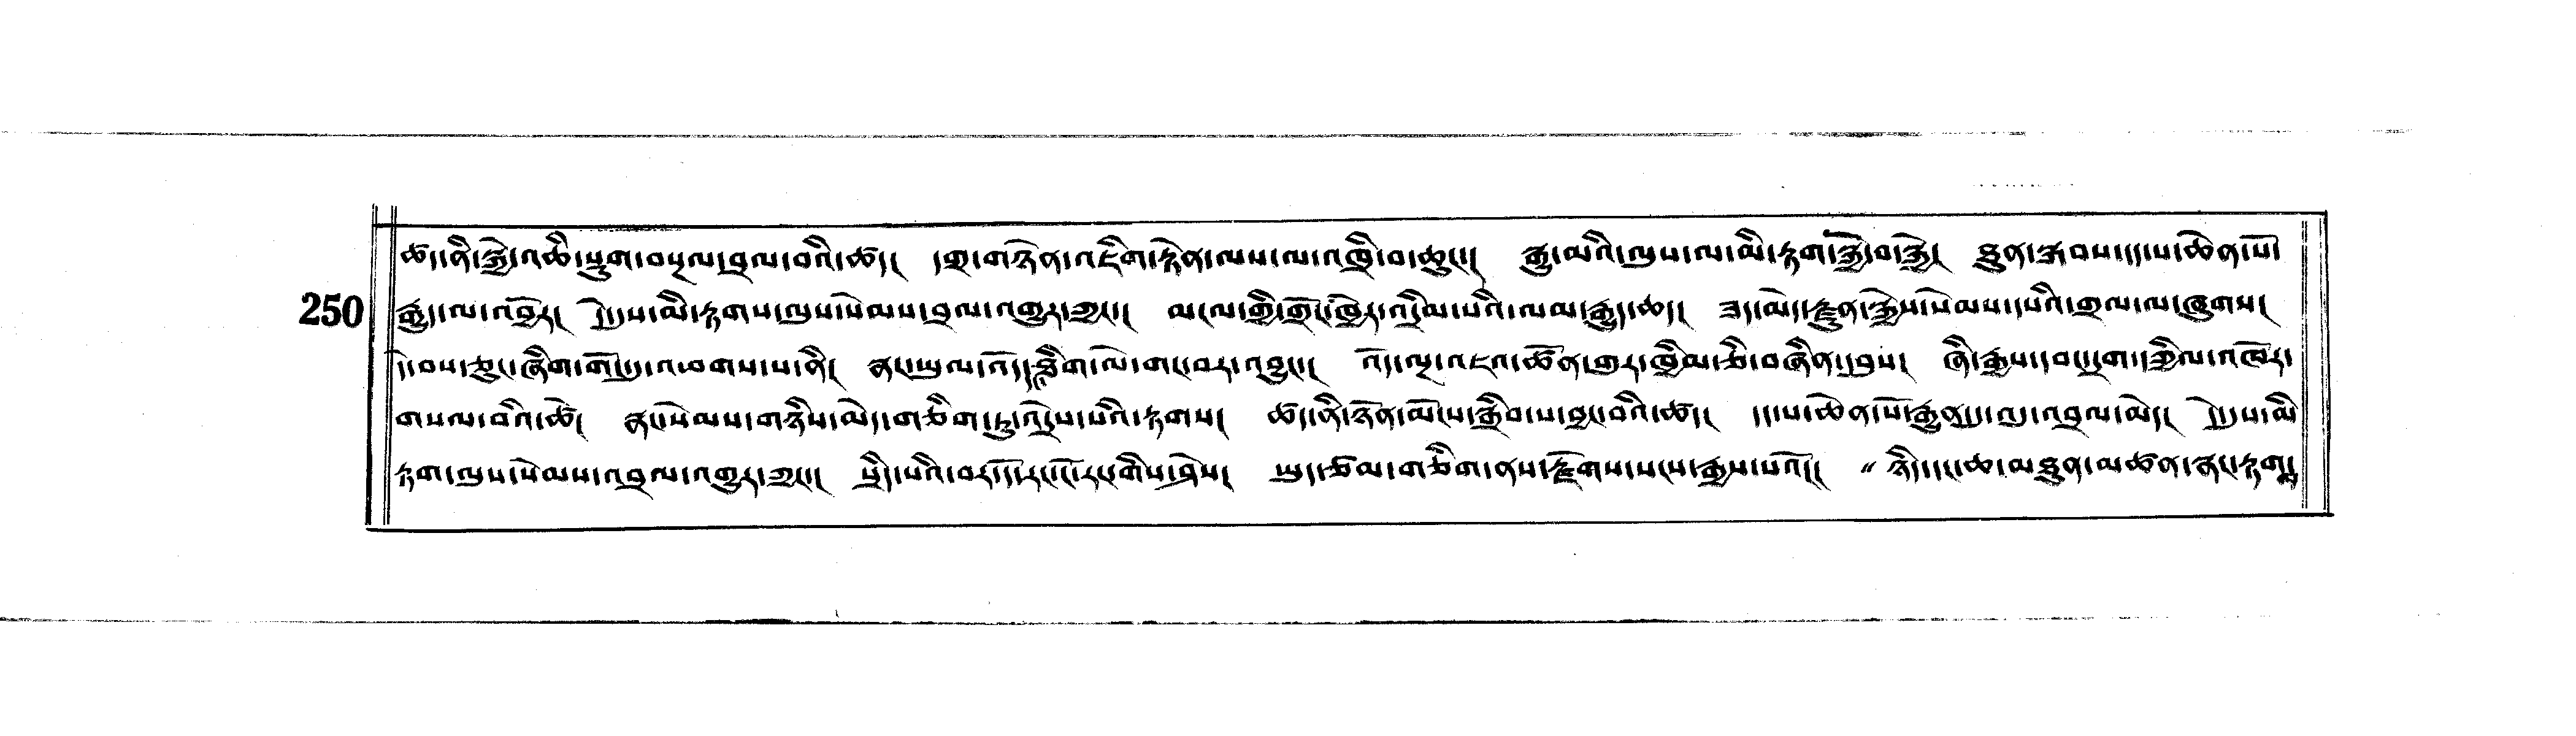ཚད་ནི་སྐྱེ་འཆི་སྡུག་བསྔལ་བྲལ་བའི་ཚད། དགྲ་གཉེན་འཇིག་རྟེན་ལས་ལ་འཁྲི་བ་ཆུང་། སྒྱུ་མའི་ལུས་ལ་མི་རྟག་སྐྱོ་བ་སྐྱེ། ཐུན་སྐབས་དད་པ་ཆེན་པོ་
རྒྱུད་ལ་འབྱོར། དེ་དུས་མི་རྟག་ལུས་སེམས་འབྲལ་འགྱུར་ཀྱང་། མངལ་གྱི་གྲོང་ཁྱེར་འགྲིམས་པའི་ལམ་རྒྱུད་ཆད། ཟད་མེད་རྫུས་སྐྱེས་སེམས་དཔའི་གྲལ་ལ་ཞུགས། 
དེ་བས་ཅུང་ཞིག་གོང་དུ་འཕགས་པ་ནི། སྣང་ཡུལ་འོད་དང་ཐིག་ལེ་གང་བར་འབྱུང་། འོད་ལྔ་འཇའ་ཚོན་གུར་ཁྱིམ་ཅི་བཞིན་དབུས། ཞི་རྒྱས་དབང་དྲག་དཀྱིལ་འཁོར་
གསལ་བའི་ཚེ། སྣང་སེམས་གཉིས་མེད་གཅིག་ཏུ་འདྲེས་པའི་རྟགས། ཚད་ནི་ཉོན་མོངས་སྒྲིབ་པ་བྱང་བའི་ཚད། དད་པ་ཆེན་པོ་རྒྱུན་དུ་འདུ་འབྲལ་མེད། དེ་དུས་མི་
རྟག་ལུས་སེམས་འབྲལ་གྱུར་ཀྱང་། སྲིད་པའི་བར་དོ་རང་ངོ་རང་གིས་ཤེས། ཡུད་ཙམ་གཅིག་ནས་རྫོགས་སངས་རྒྱས་པའོ། ཉིད་དང་ཆ་མཐུན་མཚན་སྣང་རྟགས་